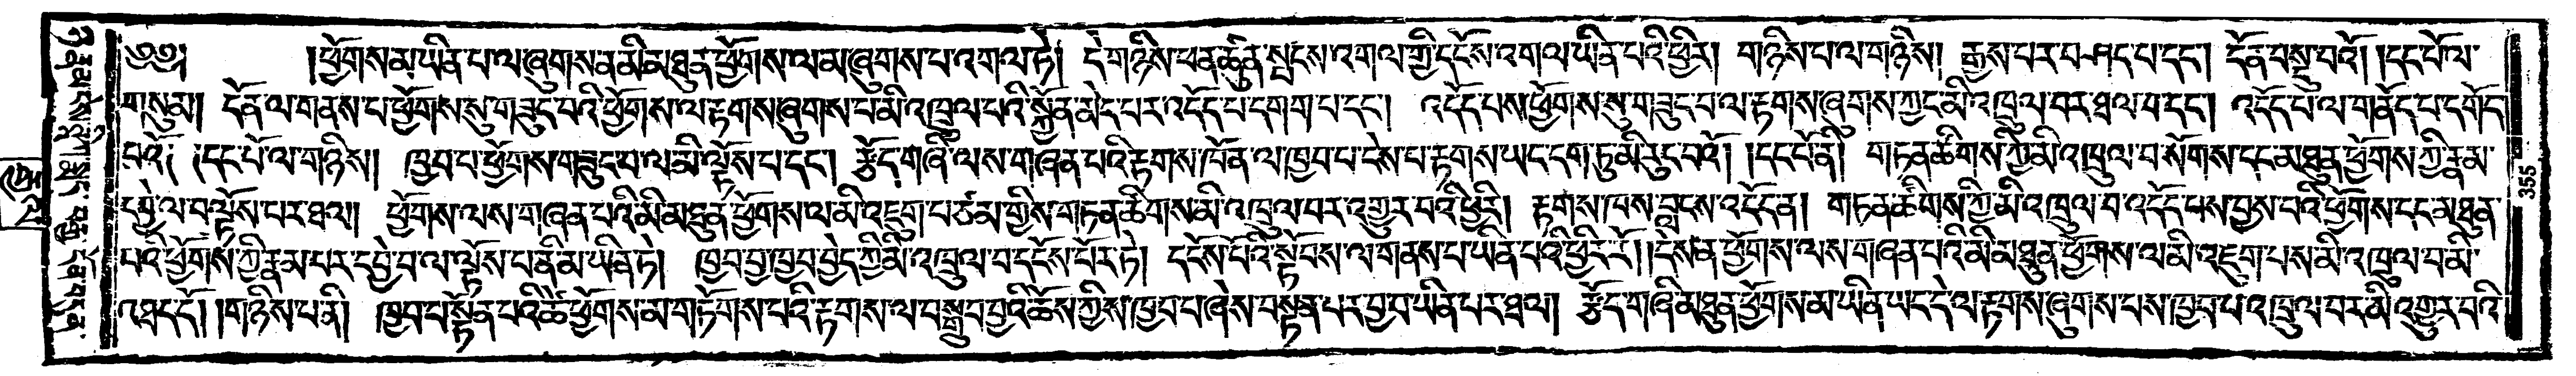༄༅། །ཕྱོགས་མ་ཡིན་པ་ལ་ཞུགས་ན་མི་མཐུན་ཕྱོགས་ལ་མ་ཞུགས་པ་འགལ་ཏེ། དེ་གཉིས་ཕན་ཚུན་སྤངས་འགལ་གྱི་དངོས་འགལ་ཡིན་པའི་ཕྱིར། གཉིས་པ་ལ་གཉིས། རྒྱས་པར་བཤད་པ་དང་། དོན་བསྡུ་བའོ། །དང་པོ་ལ་
གསུམ། དོན་ལ་གནས་པ་ཕྱོགས་སུ་གཟུང་བའི་ཕྱོགས་ལ་རྟགས་ཞུགས་པ་མི་འཁྲུལ་པའི་སྐྱོན་མེད་པར་འདོད་པ་དགག་པ་དང་། འདོད་པས་ཕྱོགས་སུ་གཟུང་བ་ལ་རྟགས་ཞུགས་ཀྱང་མི་འཁྲུལ་བར་ཐལ་བ་དང་། འདོད་པ་ལ་གནོད་པ་དགོད་
པའོ༑ ༑དང་པོ་ལ་གཉིས། ཁྱབ་པ་ཕྱོགས་གཟུང་བ་ལ་མི་ལྟོས་པ་དང་། རྩོད་གཞི་ལས་གཞན་པའི་རྟགས་ཁོ་ན་ལ་ཁྱབ་པ་ངེས་པ་རྟགས་ཡང་དག་ཏུ་མི་རུང་བའོ། །དང་པོ་ནི། གཏན་ཚིགས་ཀྱི་མི་འཁྲུལ་བ་སོགས་དང་མཐུན་ཕྱོགས་ཀྱི་རྣམ་
དབྱེ་ལ་བལྟོས་པར་ཐལ། ཕྱོགས་ལས་གཞན་པའི་མི་མཐུན་ཕྱོགས་ལ་མི་འཇུག་པ་ཙམ་གྱིས་གཏན་ཚིགས་མི་འཁྲུལ་བར་འགྱུར་བའི་ཕྱིར། རྟགས་ཁས་བླངས་འདོད་ན། གཏན་ཚིགས་ཀྱི་མི་འཁྲུལ་བ་འདོད་པས་བྱས་པའི་ཕྱོགས་དང་མཐུན་
པའི་ཕྱོགས་ཀྱི་རྣམ་པར་དབྱེ་བ་ལ་ལྟོས་པ་ནི་མ་ཡིན་ཏེ། ཁྱབ་བྱ་ཁྱབ་བྱེད་ཀྱི་མི་འཁྲུལ་བ་དངོས་པོར་ཏེ། དངོས་པོའི་སྟོབས་ལ་གནས་པ་ཡིན་པའི་ཕྱིར་རོ། །ངེས་ན་ཕྱོགས་ལས་གཞན་པའི་མི་མཐུན་ཕྱོགས་ལ་མི་འཇུག་པས་མི་འཁྲུལ་བ་མི་
འཐད་དོ། །གཉིས་པ་ནི། ཁྱབ་པ་སྟོན་པའི་ཚེ་ཕྱོགས་མ་གཏོགས་པའི་རྟགས་ལ་བསྒྲུབ་བྱའི་ཆོས་ཀྱིས་ཁྱབ་པ་ཞེས་བསྟན་པར་བྱ་བ་ཡིན་པར་ཐལ། རྩོད་གཞི་མཐུན་ཕྱོགས་མ་ཡིན་ཡང་དེ་ལ་རྟགས་ཞུགས་པས་ཁྱབ་པ་འཁྲུལ་བར་མི་འགྱུར་བའི་